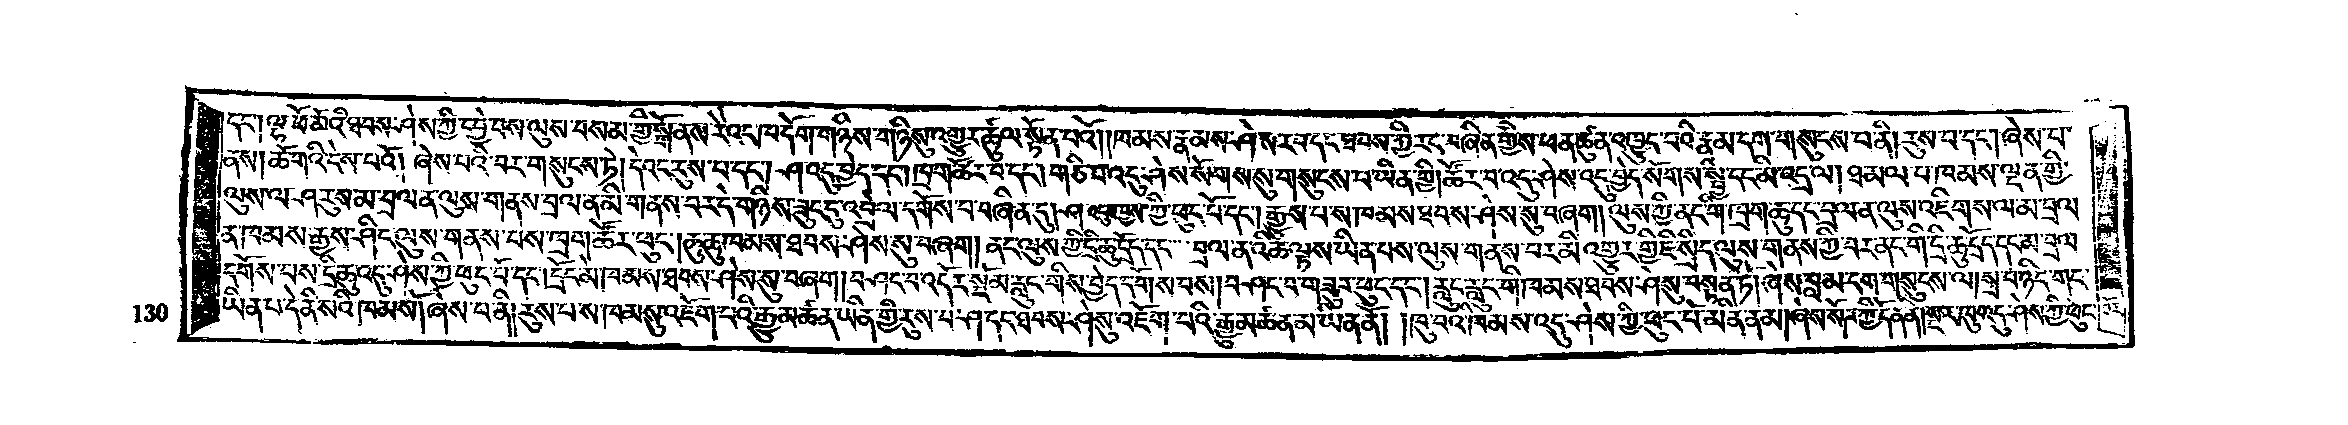དང་། ལྷ་ཕོ་མོའི་ཐབས་ཤེས་ཀྱི་དབྱེ་བས་ལུས་བསམ་གྱི་སྒོ་ནས་རེའང་ཁ་དོག་གཉིས་གཉིས་སུ་འགྱུར་ཚུལ་སྟོན་པའོ། །ཁམས་རྣམས་ཤེས་རབ་དང་ཐབས་ཀྱི་རང་བཞིན་གྱིས་ཕན་ཚུན་འཁྱུད་པའི་རྣམ་དག་གསུངས་པ་ནི། རུས་པ་དང་། ཞེས་པ་
ནས། ཆོ་གའི་ངེས་པའོ། ཞེས་པའི་བར་གསུངས་ཏེ། དེའང་རུས་པ་དང་། ཤ་འདུ་བྱེད་དང་། ཁྲག་ཚོར་བ་དང་། གཅི་བ་འདུ་ཤེས་སོགས་སུ་གསུངས་པ་ཡིན་གྱི། ཚོར་བ་འདུ་ཤེས་འདུ་བྱེད་སོགས་སྤྱི་དང་མི་འདྲ་ལ། ཐ་མལ་པ་ཁམས་ལྡན་གྱི་
ལུས་ལ་ཤ་རུས་མ་བྲལ་ན་ལུས་གནས་བྲལ་ན་མི་གནས་པར་དེ་གཉིས་ཟུང་དུ་འབྲེལ་དགོས་པ་བཞིན་དུ། ཤ་འདུས་བྱས་ཀྱི་ཕུང་པོ་དང་། རྒྱུས་པ་ས་ཁམས་ཐབས་ཤེས་སུ་བཞག །ལུས་ཀྱི་ནང་གི་ཁྲག་ཆུ་དང་བྲལ་ན་ལུས་འཇིགས་ལ་མ་བྲལ་
ན་ཁམས་རྒྱས་ཤིང་ལུས་གནས་པས་ཁྲག་ཚོར་ཕུང་། ཆུ་ཆུ་ཁམས་ཐབས་ཤེས་སུ་བཞག །ནང་ལུས་ཀྱི་དྲི་ཆུ་དྲོད་དང་བྲལ་ནའི་ཆ་?་ལྟས་ཡིན་པས་ལུས་གནས་པར་མི་འགྱུར་གྱི་ཇི་སྲིད་ལུས་གནས་ཀྱི་བར་ནང་གི་དྲི་ཆུ་དྲོད་དང་མ་བྲལ་
དགོས་པས་དྲི་ཆུ་འདུ་ཤེས་ཀྱི་ཕུང་པོ་དང་། དྲོང་མེ་ཁམས་ཐབས་ཤེས་སུ་བཞག །བཤད་པ་འདོར་སྡོམ་རླུང་གིས་བྱེད་དགོས་པས། བཤད་པ་གཟུགས་ཕུང་དང་། རླུང་རླུང་གི་ཁམས་ཐབས་ཤེས་སུ་བསྟན་ཏོ། ཞེས་བླ་མ་དག་གསུངས་ལ། སྲ་བ་ཉིད་གང་
ཡིན་པ་དེ་ནི་སའི་ཁམས་སོ། ཞེས་པ་ནི། རུས་པ་ས་ཁམས་སུ་འཇོག་པའི་རྒྱུ་མཚན་ཡིན་གྱི་རུས་པ་ཤ་དང་ཐབས་ཤེས་སུ་འཇོག་པའི་རྒྱུ་མཚན་མ་ཡིན་ནོ། །ཁུ་བའི་ཁམས་འདུ་ཤེས་ཀྱི་ཕུང་པོ་མིན་ནམ། ཞེས་སོགས་ཀྱི་དོན་ནི། སྔར་ཁུང་འདུ་ཤེས་ཀྱི་ཕུང་